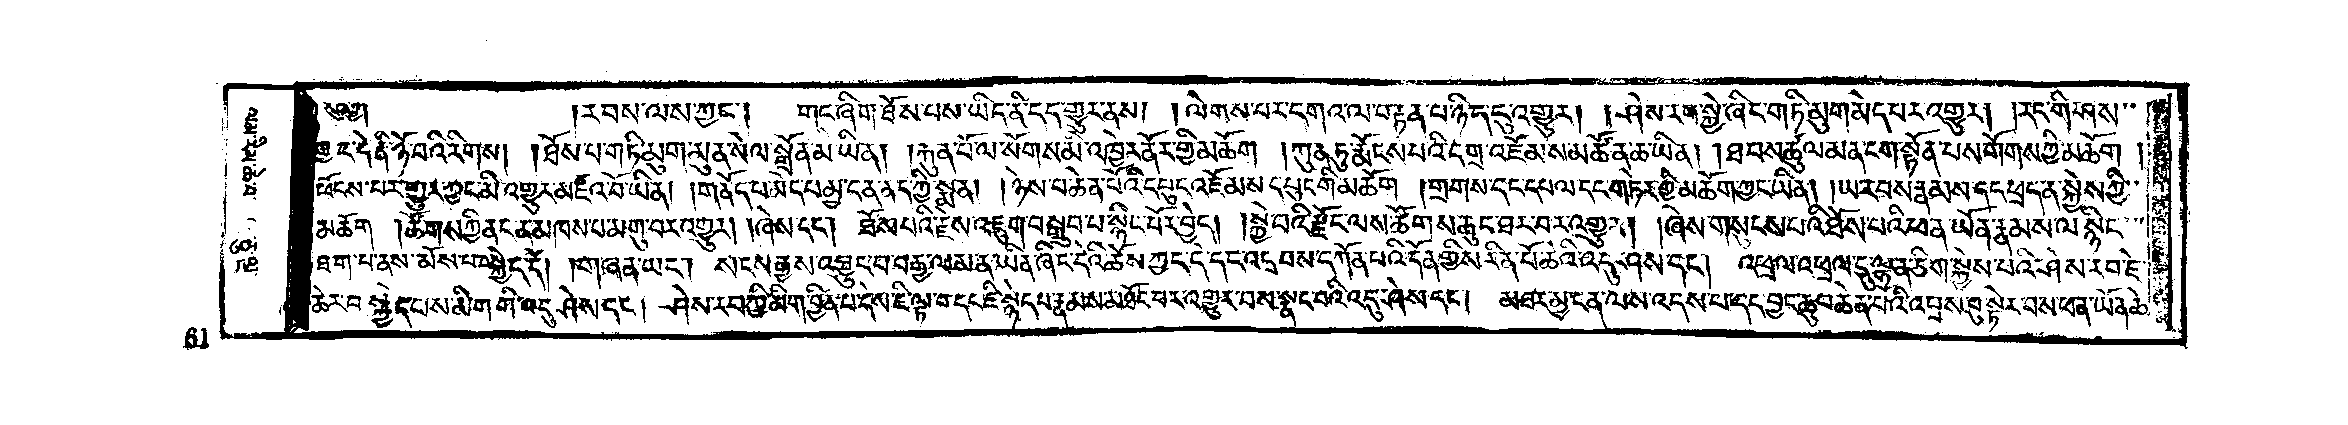༄༅། །རབས་ལས་ཀྱང་། གང་ཞིག་ཐོས་པས་ཡིད་ནི་དད་གྱུར་ནས། །ལེགས་པར་དགའ་ལ་བརྟན་པ་ཉིད་དུ་འགྱུར། །ཤེས་རབ་སྐྱེ་ཞིང་གཏི་མུག་མེད་པར་འགྱུར། །རང་གི་ཤས་
ཀྱང་དེ་ནི་ཉོ་བའི་རིགས། །ཐོས་པ་གཏི་མུག་མུན་སེལ་སྒྲོན་མེ་ཡིན། །རྐུན་པོ་ལ་སོགས་མི་འཁྱེར་ནོར་གྱི་མཆོག །ཀུན་ཏུ་རྨོངས་པའི་དགྲ་འཇོམས་མཚོན་ཆ་ཡིན། །ཐབས་ཚུལ་མན་ངག་སྟོན་པས་གྲོགས་ཀྱི་མཆོག །
ཕོངས་པར་གྱུར་ཀྱང་མི་འགྱུར་འཛའ་བོ་ཡིན། །གནོད་པ་མེད་པ་མྱ་ངན་ནད་ཀྱི་སྨན། །ཉེས་པ་ཆེན་པོའི་དཔུང་འཇོམས་དཔུང་གི་མཆོག །གྲགས་དང་དཔལ་དང་གཏེར་གྱི་མཆོག་ཀྱང་ཡིན། །ཡ་རབས་རྣམས་དང་ཕྲད་ན་སྐྱེས་ཀྱི་
མཆོག །ཚོགས་ཀྱི་ནང་ན་མཁས་པ་མགུ་བར་འགྱུར། །ཞེས་དང་། ཐོས་པའི་རྗེས་འཇུག་བསྒྲུབ་པ་སྙིང་པོར་བྱེད། །སྐྱེ་བའི་རྫོང་ལས་ཚེགས་ཆུང་ཐར་བར་འགྱུར། །ཞེས་གསུངས་པའི་ཐོས་པའི་ཕན་ཡོན་རྣམས་ལ་སྙིང་
ཐག་པ་ནས་མོས་པ་བསྐྱེད་དོ། །གཞན་ཡང་། སངས་རྒྱས་འབྱུང་བ་བརྒྱ་ལམ་ན་ཡིན་ཞིང་དེའི་ཆོས་ཀྱང་དེ་དང་འདྲ་བས་དཀོན་པའི་དོན་གྱིས་རིན་པོ་ཆེའི་འདུ་ཤེས་དང་། འཕྲལ་འཕྲལ་དུ་ལྷན་ཅིག་སྐྱེས་པའི་ཤེས་རབ་ཇེ་
ཆེར་བསྐྱེད་པས་མིག་གི་འདུ་ཤེས་དང་། ཤེས་རབ་ཀྱི་མིག་བྱིན་པ་དེས་ཇི་ལྟ་བ་དང་ཇི་སྙེད་པ་རྣམས་མཐོང་བར་འགྱུར་བས་སྣང་བའི་འདུ་ཤེས་དང་། མཐར་མྱ་ངན་ལས་འདས་པ་དང་བྱང་ཆུབ་ཆེན་པོའི་འབྲས་བུ་སྟེར་བས་ཕན་ཡོན་ཆེ་